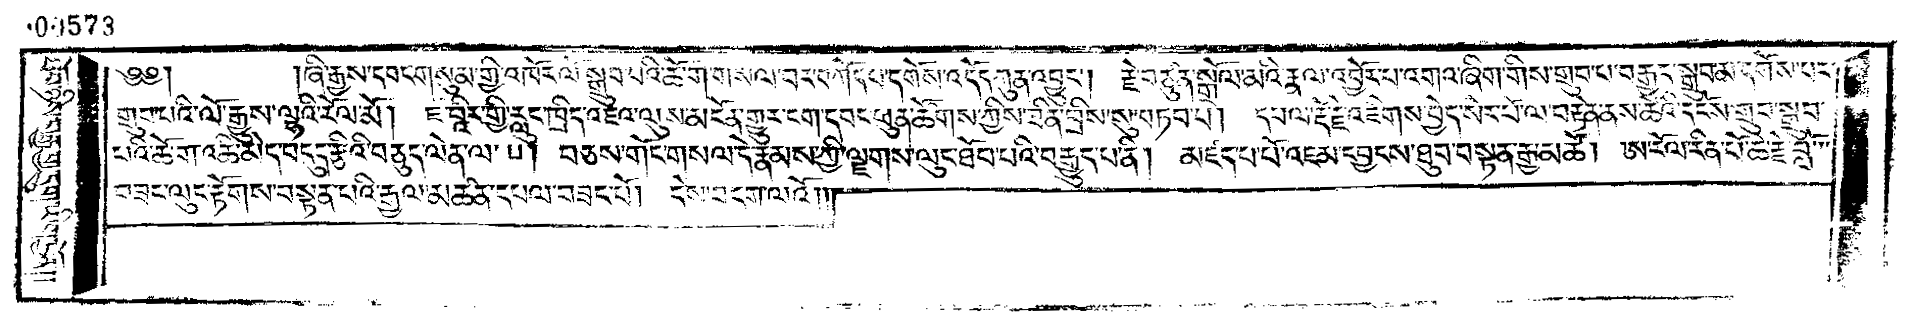༄༅། །ཞི་རྒྱས་དབང་གསུམ་གྱི་འཁོར་ལོ་སྒྲུབ་པའི་ཆོ་ག་གསལ་བར་བཀོད་པ་དགོས་འདོད་ཀུན་འབྱུང་། རྗེ་བཙུན་སྒྲོལ་མའི་རྣལ་འབྱོར་པ་འགའ་ཞིག་གིས་གྲུབ་པ་བརྒྱད་སྒྲུབ་མ་དགོས་པར་
གྲུབ་པའི་ལོ་རྒྱས་ལྷའི་རོལ་མོ། ཛ་བཱིར་གྱི་རླུང་ཁྲིད་འཇའ་ལུས་མངོན་གྱུར་ངག་དབང་ཕུན་ཚོགས་ཀྱིས་ཟིན་བྲིས་སུ་བཏབ་པ། དཔལ་རྡོ་རྗེ་འཇིགས་བྱེད་སེར་པོ་ལ་བརྟེན་ནས་ཚེའི་དངོས་གྲུབ་སྒྲུབ་
པའི་ཆོ་ག་འཆི་མེད་བདུད་རྩིའི་བཅུད་ལེན་ལ ༥། བཅས་གོང་གསལ་དེ་རྣམས་ཀྱི་ལྗགས་ལུང་ཐོབ་པའི་བརྒྱུད་པ་ནི། མཛད་པ་པོ་འཇམ་དབྱངས་ཐུབ་བསྟན་རྒྱ་མཚོ། ཨ་རོལ་རིན་པོ་ཆེ་རྗེ་བློ་
བཟང་ལུང་རྟོགས་བསྟན་པའི་རྒྱ་མཚན་དཔལ་བཟང་པོ། དེས་བདག་ལའོ།།